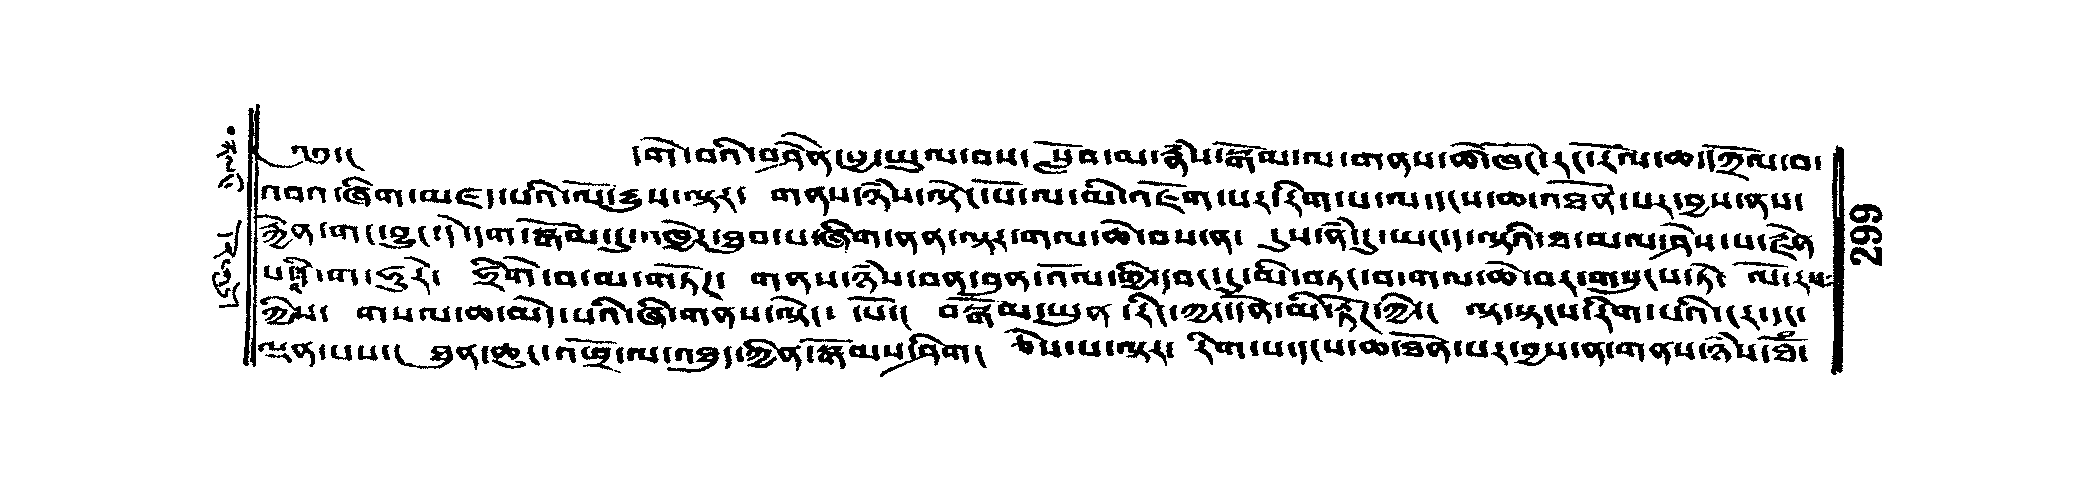དགེ་བའི་བཤེས་གཉེན་བྱ་ཡུལ་བས། སློབ་མ་རྣམས་སྒོམ་ལ་གནས་ཚེ་ཁོང་རང་རོལ་ཆ་དཀྲོལ་བ་
འབའ་ཞིག་མཛད་པའི་ལོ་རྒྱུས་ལྟར། གནས་ཉམས་ལྟེང་པོ་ལ་མི་འཇོག་པར་རིག་པ་ལ་དྭངས་ཆ་འཐོན་པར་བྱས་ནས་
རྐྱེན་གང་བྱུང་དེ་དག་སྒོམ་དུ་འཁྱེར་ཐུབ་པ་ཞིག་ནན་ལྟར་གལ་ཆེ་བས་ན། དུས་ནམ་དུ་ཡང་ད་ལྟའི་ཐ་མལ་ཤེས་པ་རྗེན་
པ་འདི་ག་ཧུར་རེ། ཧྲིག་གེ་བ་མ་གཏོགས། གནས་ཉམས་བན་བུན་འམ་འོལ་གྱི་དབང་དུ་མི་བཏང་བ་གལ་ཆེ་བར་གསུངས་ཏེ། ལོ་རས་
ཀྱིས། གསལ་ཆ་མེད་པའི་ཞི་གནས་ལྟེང་པོ། །བསྒོམ་ཡུན་རིང་ཀྱང་དོན་མི་རྟོགས་ཀྱི། །ལྟ་སྟངས་རིག་པའི་ངར་དང་
ལྡན་པས། །ཐུན་ཆུང་འཕྲོ་ལ་འཐུད་ཀྱིན་སྒོམས་ཤིགཅེས་པ་ལྟར། རིག་པ་དྭངས་ཆ་ཐོན་པར་བྱས་ན་གནས་ཉམས་ཐོམ་